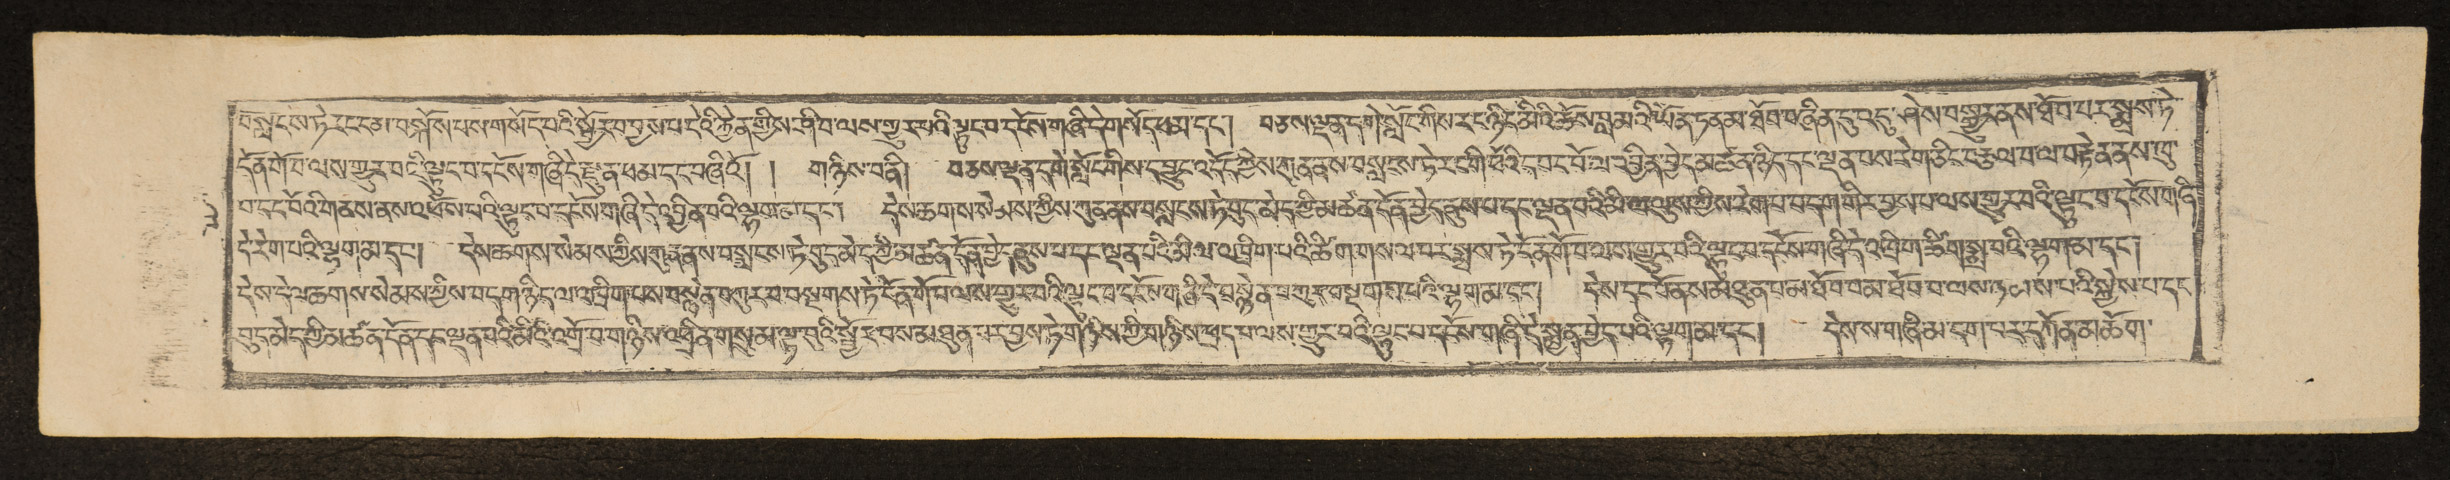བསླངས་ཏེ་རང་ངམ་བསྐོས་པས་གསོད་པའི་སྦྱོར་བ་བྱས་པ་དེའི་རྐྱེན་གྱིས་ཤི་བ་ལས་གྱུར་བའི་ལྟུང་བ་དངོས་གཞི་དེ་གསོད་ཕམ་དང་། བཅས་ལྡན་དགེ་སློང་གིས་རང་ཉིད་མིའི་ཆོས་བླ་མའི་ཡོན་ཏན་མ་ཐོབ་བཞིན་དུ་འདུ་ཤེས་བསྒྱུར་ནས་ཐོབ་པར་སྨྲས་ཏེ་
དོན་གོ་བ་ལས་གྱུར་བའི་ལྟུང་བ་དངོས་གཞི་དེ་རྫུན་ཕམ་དང་བཞིའོ། །གཉིས་པ་ནི། བཅས་ལྡན་དགེ་སློང་གིས་དབྱུང་འདོད་ཀྱིས་ཀུན་ནས་བསླངས་ཏེ་རང་གི་ཕོའི་དབང་པོ་ལ་འབྱིན་བྱེད་མཚན་ཉིད་དང་ལྡན་པས་རེག་ཅིང་བརྩལ་བ་ལ་བརྟེན་ནས་ཁུ་
བ་དང་པོའི་གནས་ནས་འཕོས་པའི་ལྟུང་བ་དངོས་གཞི་དེ་འབྱིན་པའི་ལྷག་མ་དང་། དེས་ཆགས་སེམས་ཀྱིས་ཀུན་ནས་བསླངས་ཏེ་བུད་མེད་ཀྱི་མཚན་དོན་བྱེད་ནུས་པ་དང་ལྡན་པའི་མི་ལ་ལུས་ཀྱིས་རེག་པ་བདག་གིར་བྱས་པ་ལས་གྱུར་བའི་ལྟུང་བ་དངོས་གཞི་
དེ་རེག་པའི་ལྷག་མ་དང་། དེས་ཆགས་སེམས་ཀྱིས་ཀུན་ནས་བསླངས་ཏེ་བུད་མེད་ཀྱི་མཚན་དོན་བྱེད་ནུས་པ་དང་ལྡན་པའི་མི་ལ་འཁྲིག་པའི་ཚིག་གསལ་བར་སྨྲས་ཏེ་དོན་གོ་བ་ལས་གྱུར་བའི་ལྟུང་བ་དངོས་གཞི་དེ་འཁྲིག་ཚིག་སྨྲ་བའི་ལྷག་མ་དང་།
དེས་དེ་ལ་ཆགས་སེམས་ཀྱིས་བདག་ཉིད་ལ་འཁྲིག་པས་བསྙེན་བཀུར་བ་བསྔགས་ཏེ་དོན་གོ་བ་ལས་གྱུར་བའི་ལྟུང་བ་དངོས་གཞི་དེ་བསྙེན་བཀུར་བསྔགས་པའི་ལྷག་མ་དང་། དེས་དང་པོ་ནས་མཐུན་པ་མ་ཐོབ་བ་མ་ཐོབ་པ་ལས་ཉམས་པའི་སྐྱེས་པ་དང་
བུད་མེད་ཀྱི་མཚན་དོན་དང་ལྡན་པའི་མིའི་འགྲོ་བ་གཉིས་འཕྲིན་གསུམ་ལྟ་བུའི་སྦྱོར་བས་མཐུན་པར་བྱས་ཏེ་གཉིས་ཀྱི་གཉིས་ཕྲད་པ་ལས་གྱུར་བའི་ལྟུང་བ་དངོས་གཞི་དེ་སྨྱན་བྱེད་པའི་ལྷག་མ་དང་། དེས་ས་གཞི་མ་དག་པར་དཀོན་མཆོག་